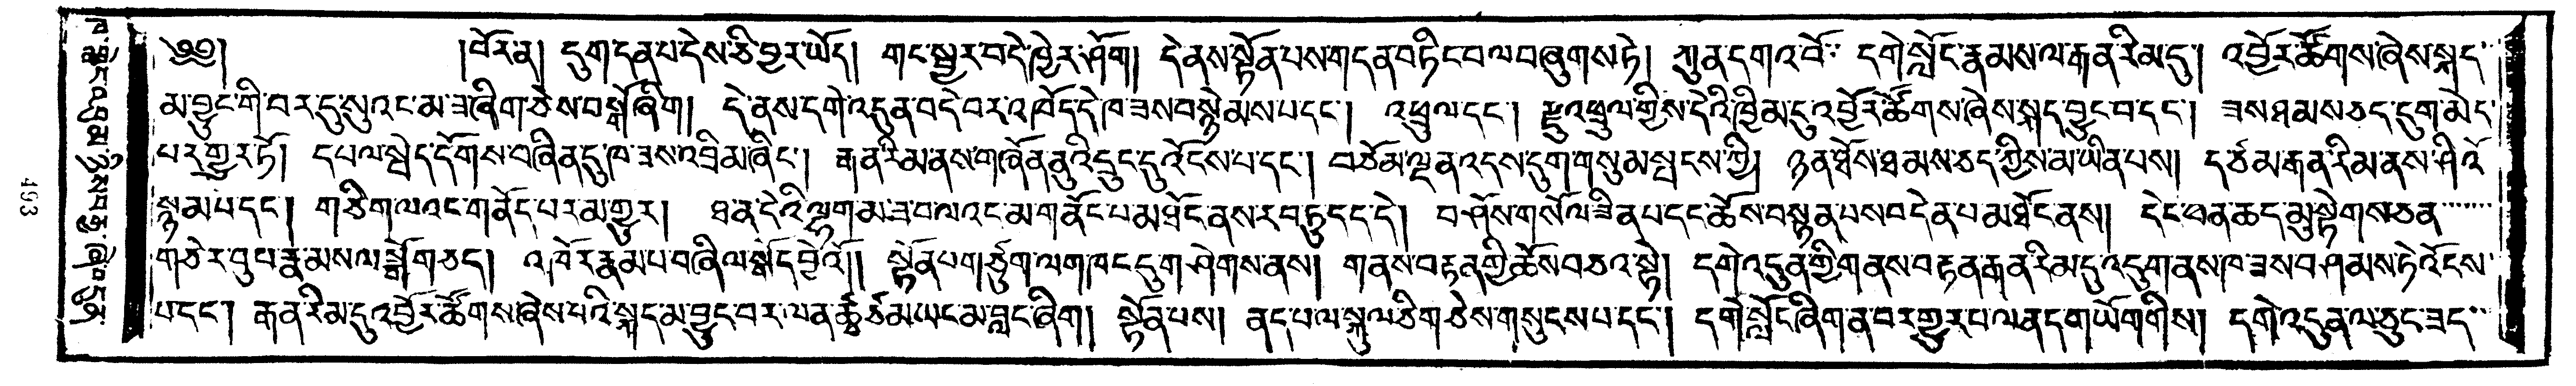༄༅། །བོར་ན། དུག་དན་པ་དེས་ཅི་བྱར་ཡོད། གང་སྦྱར་བ་དེ་ཁྱེར་ཤོག། དེ་ནས་སྟོན་པས་གདན་བཏིང་བ་ལ་བཞུགས་ཏེ། ཀུན་དགའ་བོ་དགེ་སློང་རྣམས་ལ་རྒན་རིམ་དུ། འབྱོར་ཚོགས་ཞེས་སྐད་
མ་བྱུང་གི་བར་དུ་སུའང་མ་ཟ་ཞིག་ཅེས་བསྒོ་ཞིག། དེ་ནས་དགེ་འདུན་བདེ་བར་འཁོད་དེ་ཁ་ཟས་བསྙེམས་པ་དང་། འཕྲུལ་དང་། རྫུ་འཕྲུལ་གྱིས་དེའི་ཁྱིམ་དུ་འབྱོར་ཚོགས་ཞེས་སྐད་བྱུང་བ་དང་། ཟས་ཐམས་ཅད་དུག་མེད་
པར་གྱུར་ཏོ། དཔལ་སྦེད་དོགས་བཞིན་དུ་ཁ་ཟས་འབྲིམ་ཞིང་། རྒན་རིམ་ནས་གཞོན་ནུའི་དྲུང་དུ་འོངས་པ་དང་། བཅོམ་ལྡན་འདས་དུག་གསུམ་སྤངས་ཀྱི། ཉན་ཐོས་ཐམས་ཅད་ཀྱིས་མ་ཡིན་པས། ད་ཙམ་རྒན་རིམ་ནས་ཤིའོ་
སྙམ་པ་དང་། གཅིག་ལའང་གནོད་པར་མ་གྱུར། ཐ་ན་དེའི་ལྷག་མ་ཟ་བ་ལའང་མ་གནོང་པ་མཐོང་ནས་རབ་ཏུ་དད་དེ། བཤོས་གསོལ་ཟིན་པ་དང་ཆོས་བསྟན་པས་བདེན་པ་མཐོང་ནས། དེང་ཕན་ཆད་མུ་སྟེགས་ཅན་
གཅེར་བུ་པ་རྣམས་ལ་སྒོ་གཅད། འཁོར་རྣམ་པ་བཞི་ལ་སྒོད་བྱེའོ།། སྟོན་པ་གཙུག་ལག་ཁང་དུ་གཤེགས་ནས། གནས་བརྟན་གྱི་ཆོས་བཅའ་སྟེ། དགེ་འདུན་གྱི་གནས་བརྟན་རྒན་རིམ་དུ་འདུག་ནས་ཁ་ཟས་བཤམས་ཏེ་འོངས་
པ་དང་། རྒན་རིམ་དུ་འབྱོར་ཚོགས་ཞེས་པའི་སྐད་མ་བྱུང་བར་ལན་ཚྭ་ཙམ་ཡང་མ་བླང་ཞིག། སྟོན་པས། ནད་པ་ལ་སྐུལ་ཅིག་ཅེས་གསུངས་པ་དང་། དགེ་སློང་ཞིག་ན་བར་གྱུར་པ་ལ་ནད་གཡོག་གིས། དགེ་འདུན་ལ་ཅུང་ཟད་